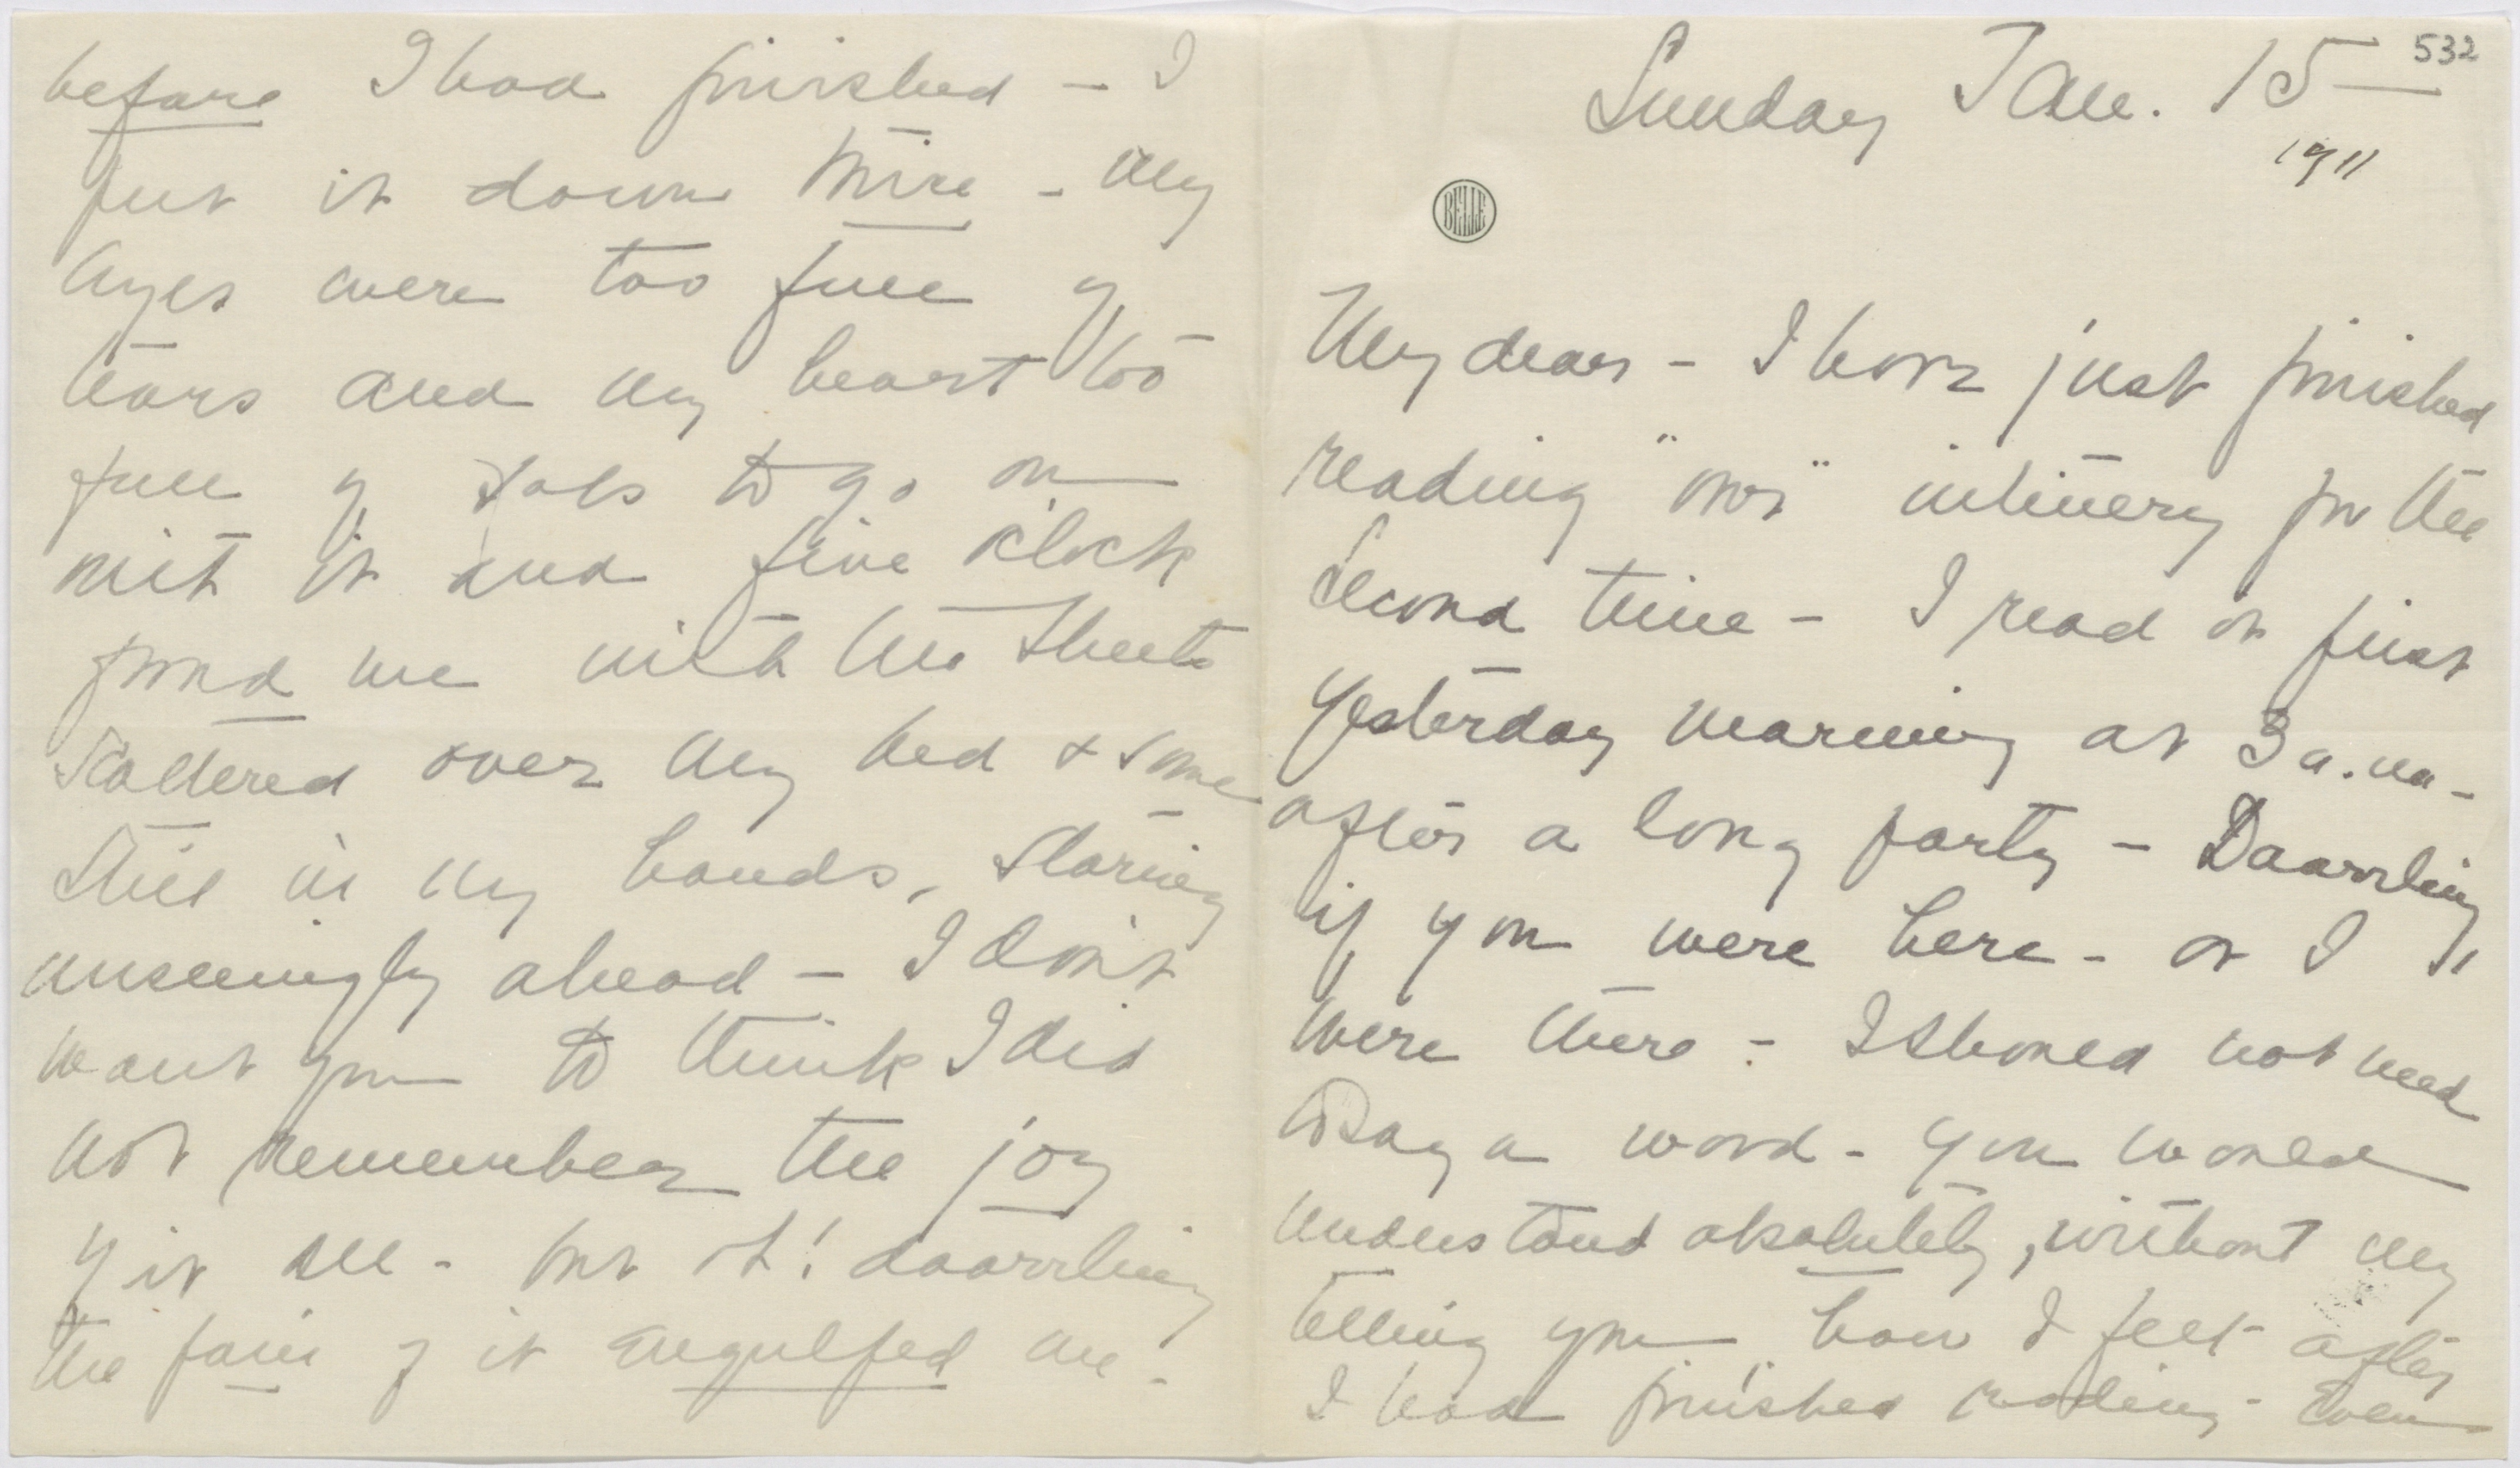Sunday Jan. 15 –
My dear – I have just finished reading “our” intinery [sic] for the second time – I read it just yesterday morning at 3 a.m. after a long party – Daarrling, if you were here – or I were there – I should not need to say a word – you would understand absolutely, without my telling you how I felt after I had finished reading – Even
before I had finished – I put it down twice – my eyes were too full of tears and my heart too full of sobs to go on with it and five o’clock found me with the sheets scattered over my bed & some still in my hands, staring unseemingly ahead – I don’t want you to think I did not remember the joy of it all – but oh! daarrling the pain of it engulfed me.